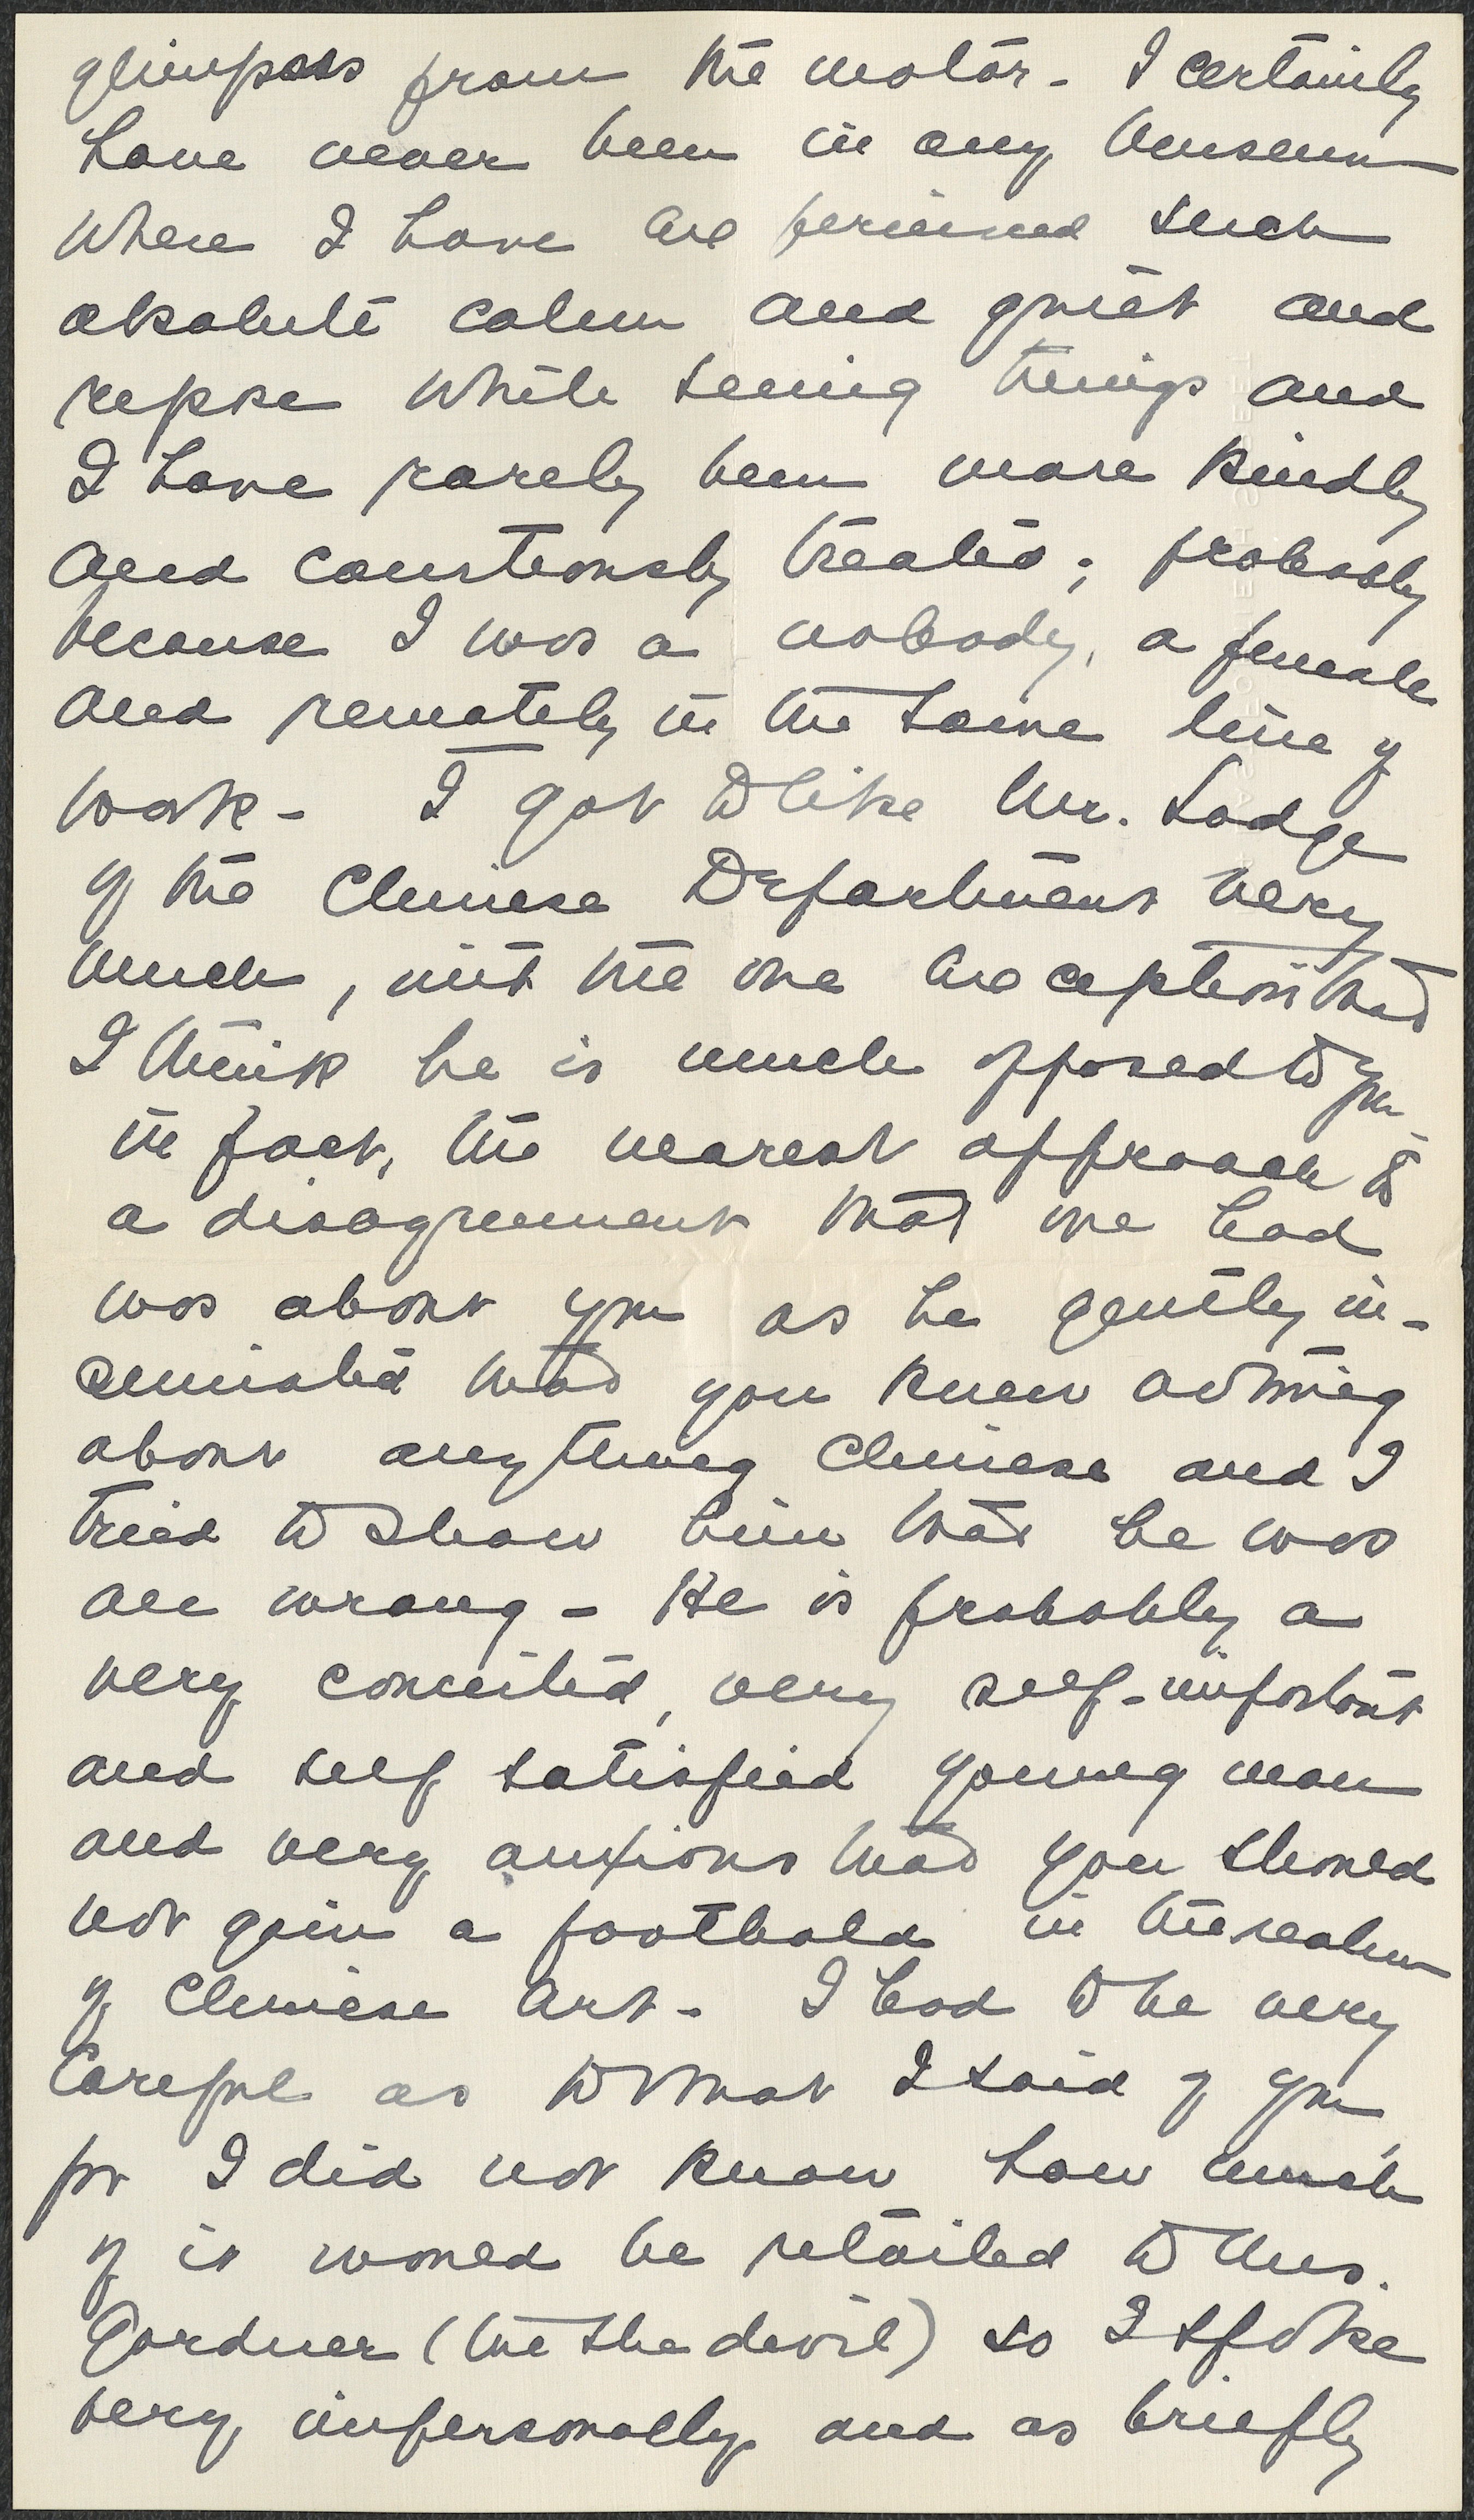glimpses from the motor – I certainly have never been in any museum where I have experienced such absolute calm and quiet and repose while seeing things and I have rarely been more kindly and courteously treated; probably because I was a nobody, a female and remotely in the same line of work – I got to like Mr. Lodge of the Chinese Department very much, with the one exception that I think he is much opposed to you – in fact, the nearest approach to a disagreement that we had was about you as he quietly insinuated that you knew nothing about anything Chinese and I tried to show him that he was all wrong – He is probably a very conceited, very self-important and self satisfied young man and very anxious that you should not gain a foothold in the realm of Chinese Art – I had to be very careful as to what I said of you, for I did not know how much of it would be retailed to Mrs. Gardner (the she devil) so I spoke very impersonally and as briefly